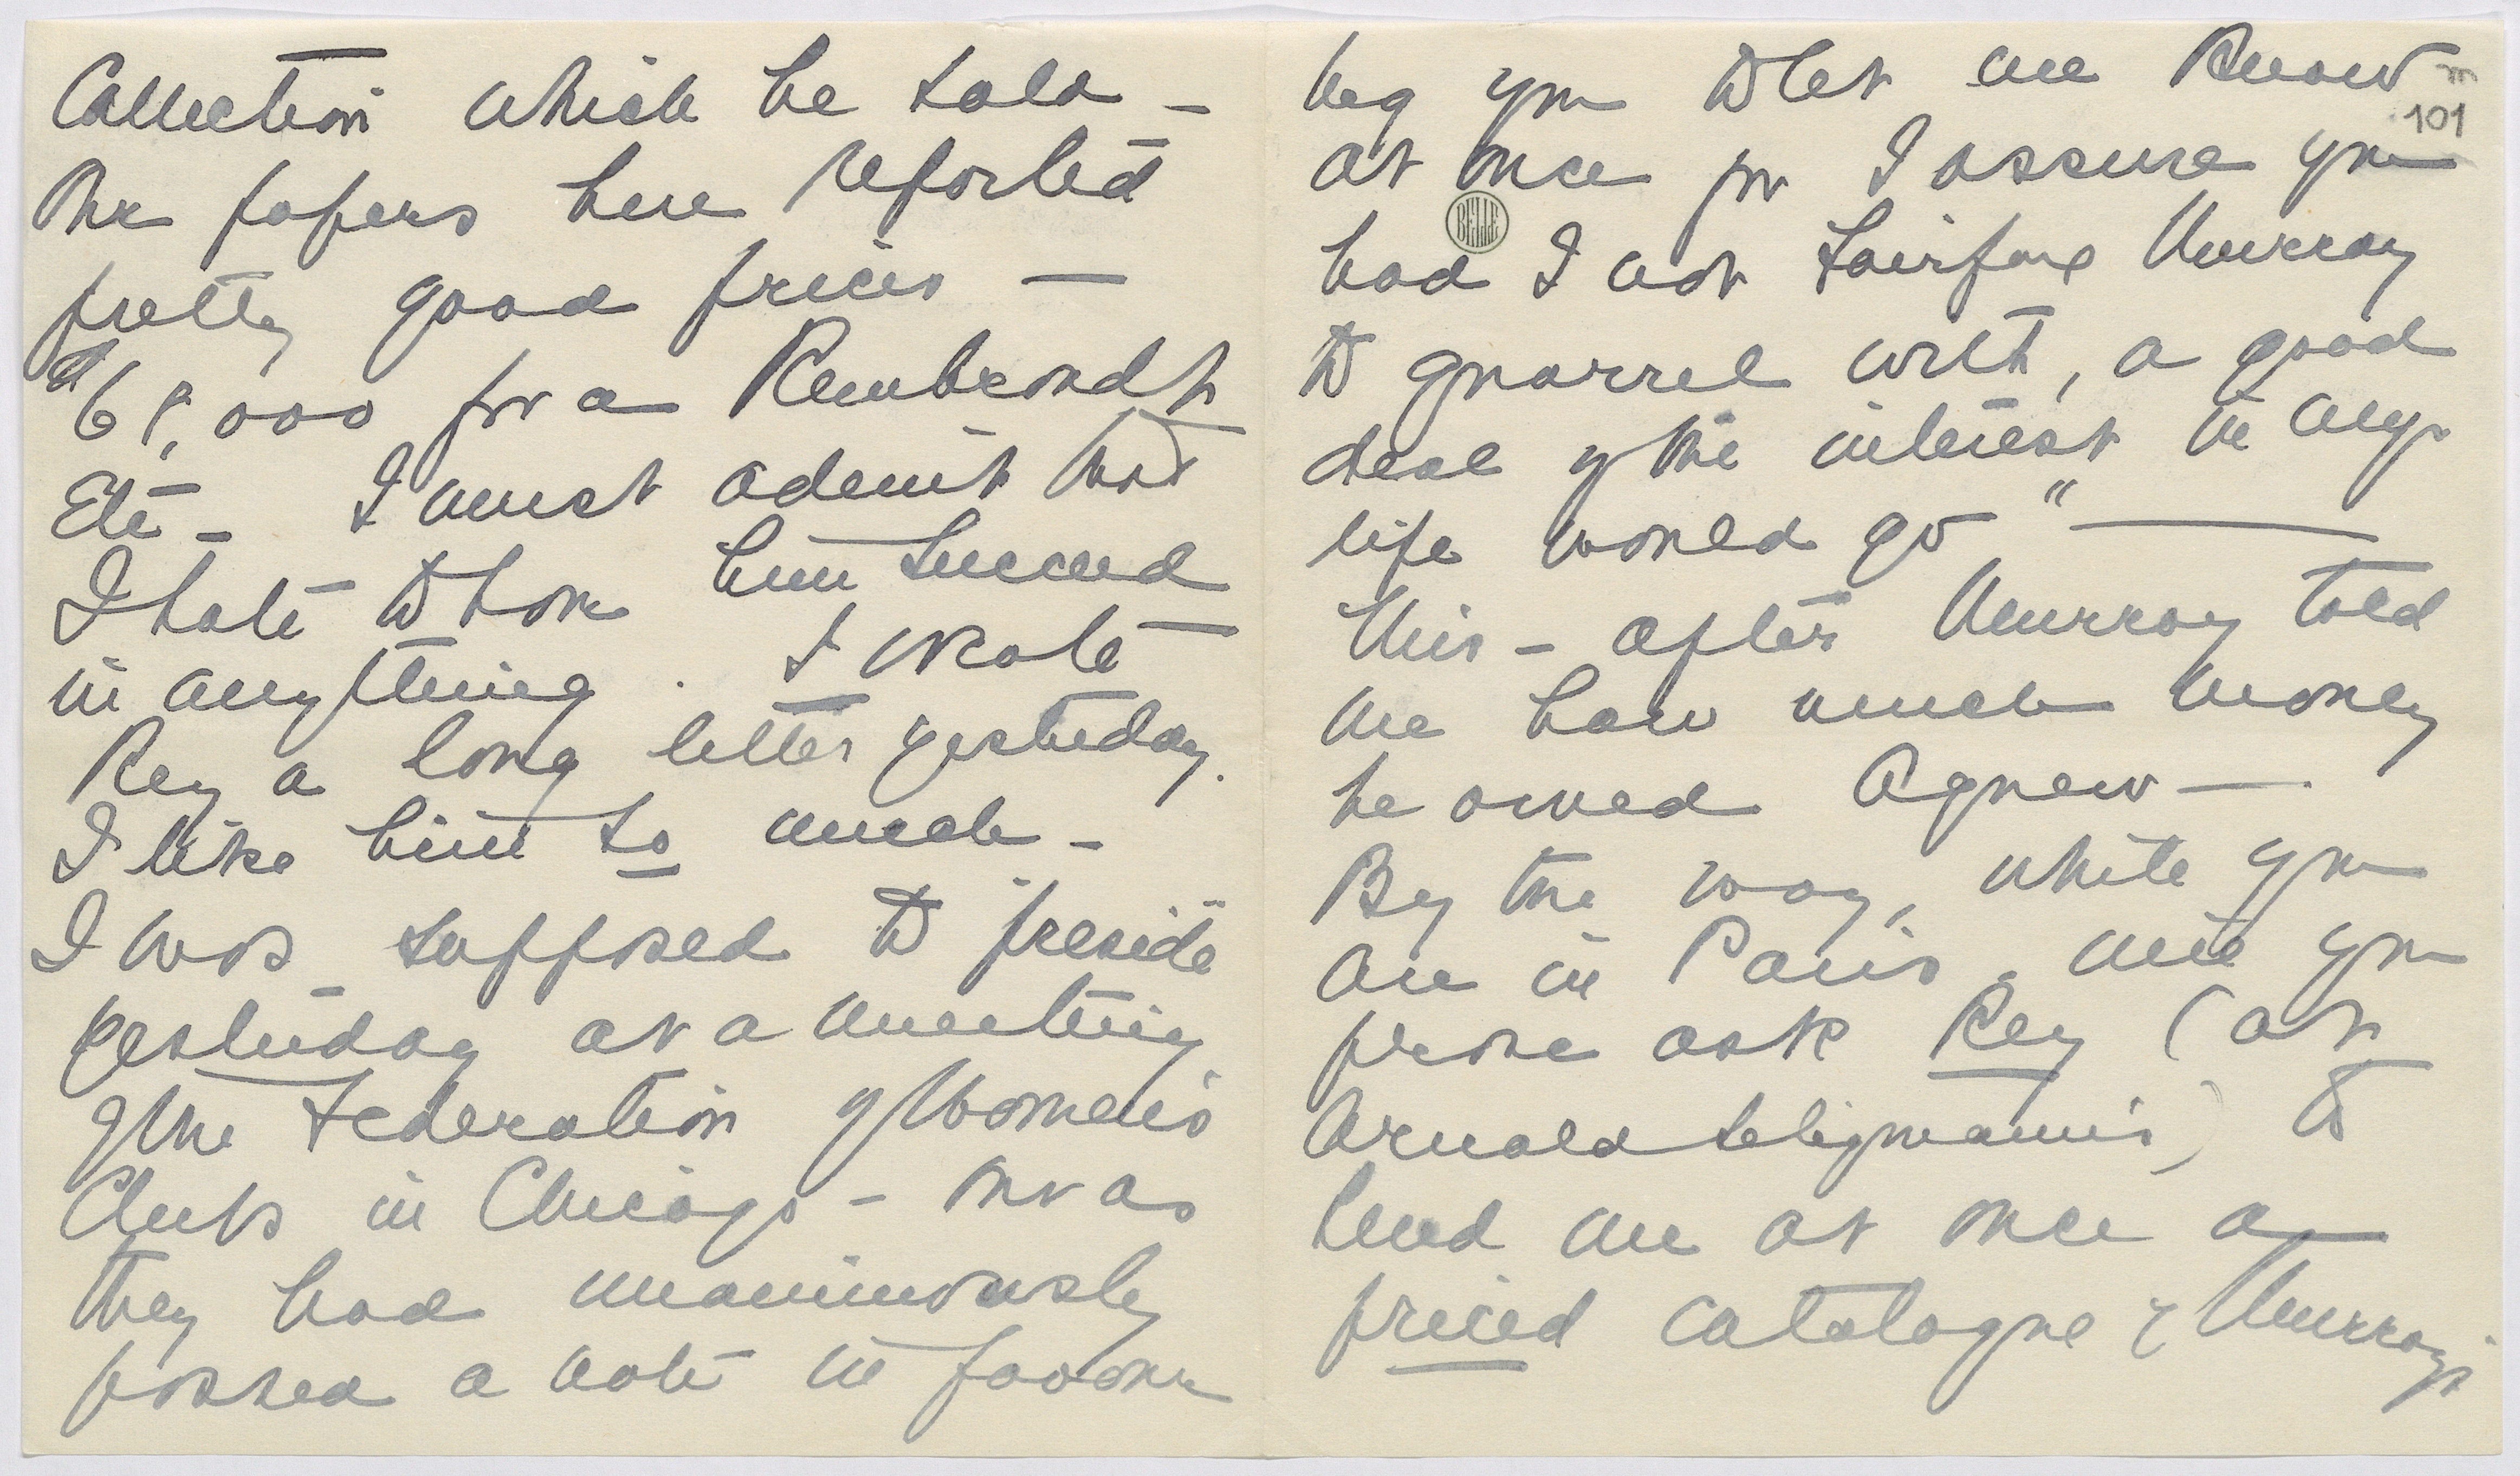beg you to let me know at once for I assure you had I not Fairfax Murray to quarrel with, a good deal of the interest in my life would go” –
This – after Murray told me how much money he owed Agnew –
By the way, while you are in Paris – will you please ask Rey (at Arnold Seligmann’s) to send me at once a priced catalogue of Murray’s
collection which he sold – Our papers here reported pretty good prices – $68,000 for a Rembrandt etc – I must admit that I hate to have him succeed in anything. I wrote Rey a long letter yesterday. I like him so much – I was supposed to preside yesterday at a meeting of the Federation of Women’s Clubs in Chicago – but as they had unanimously passed a note in favour